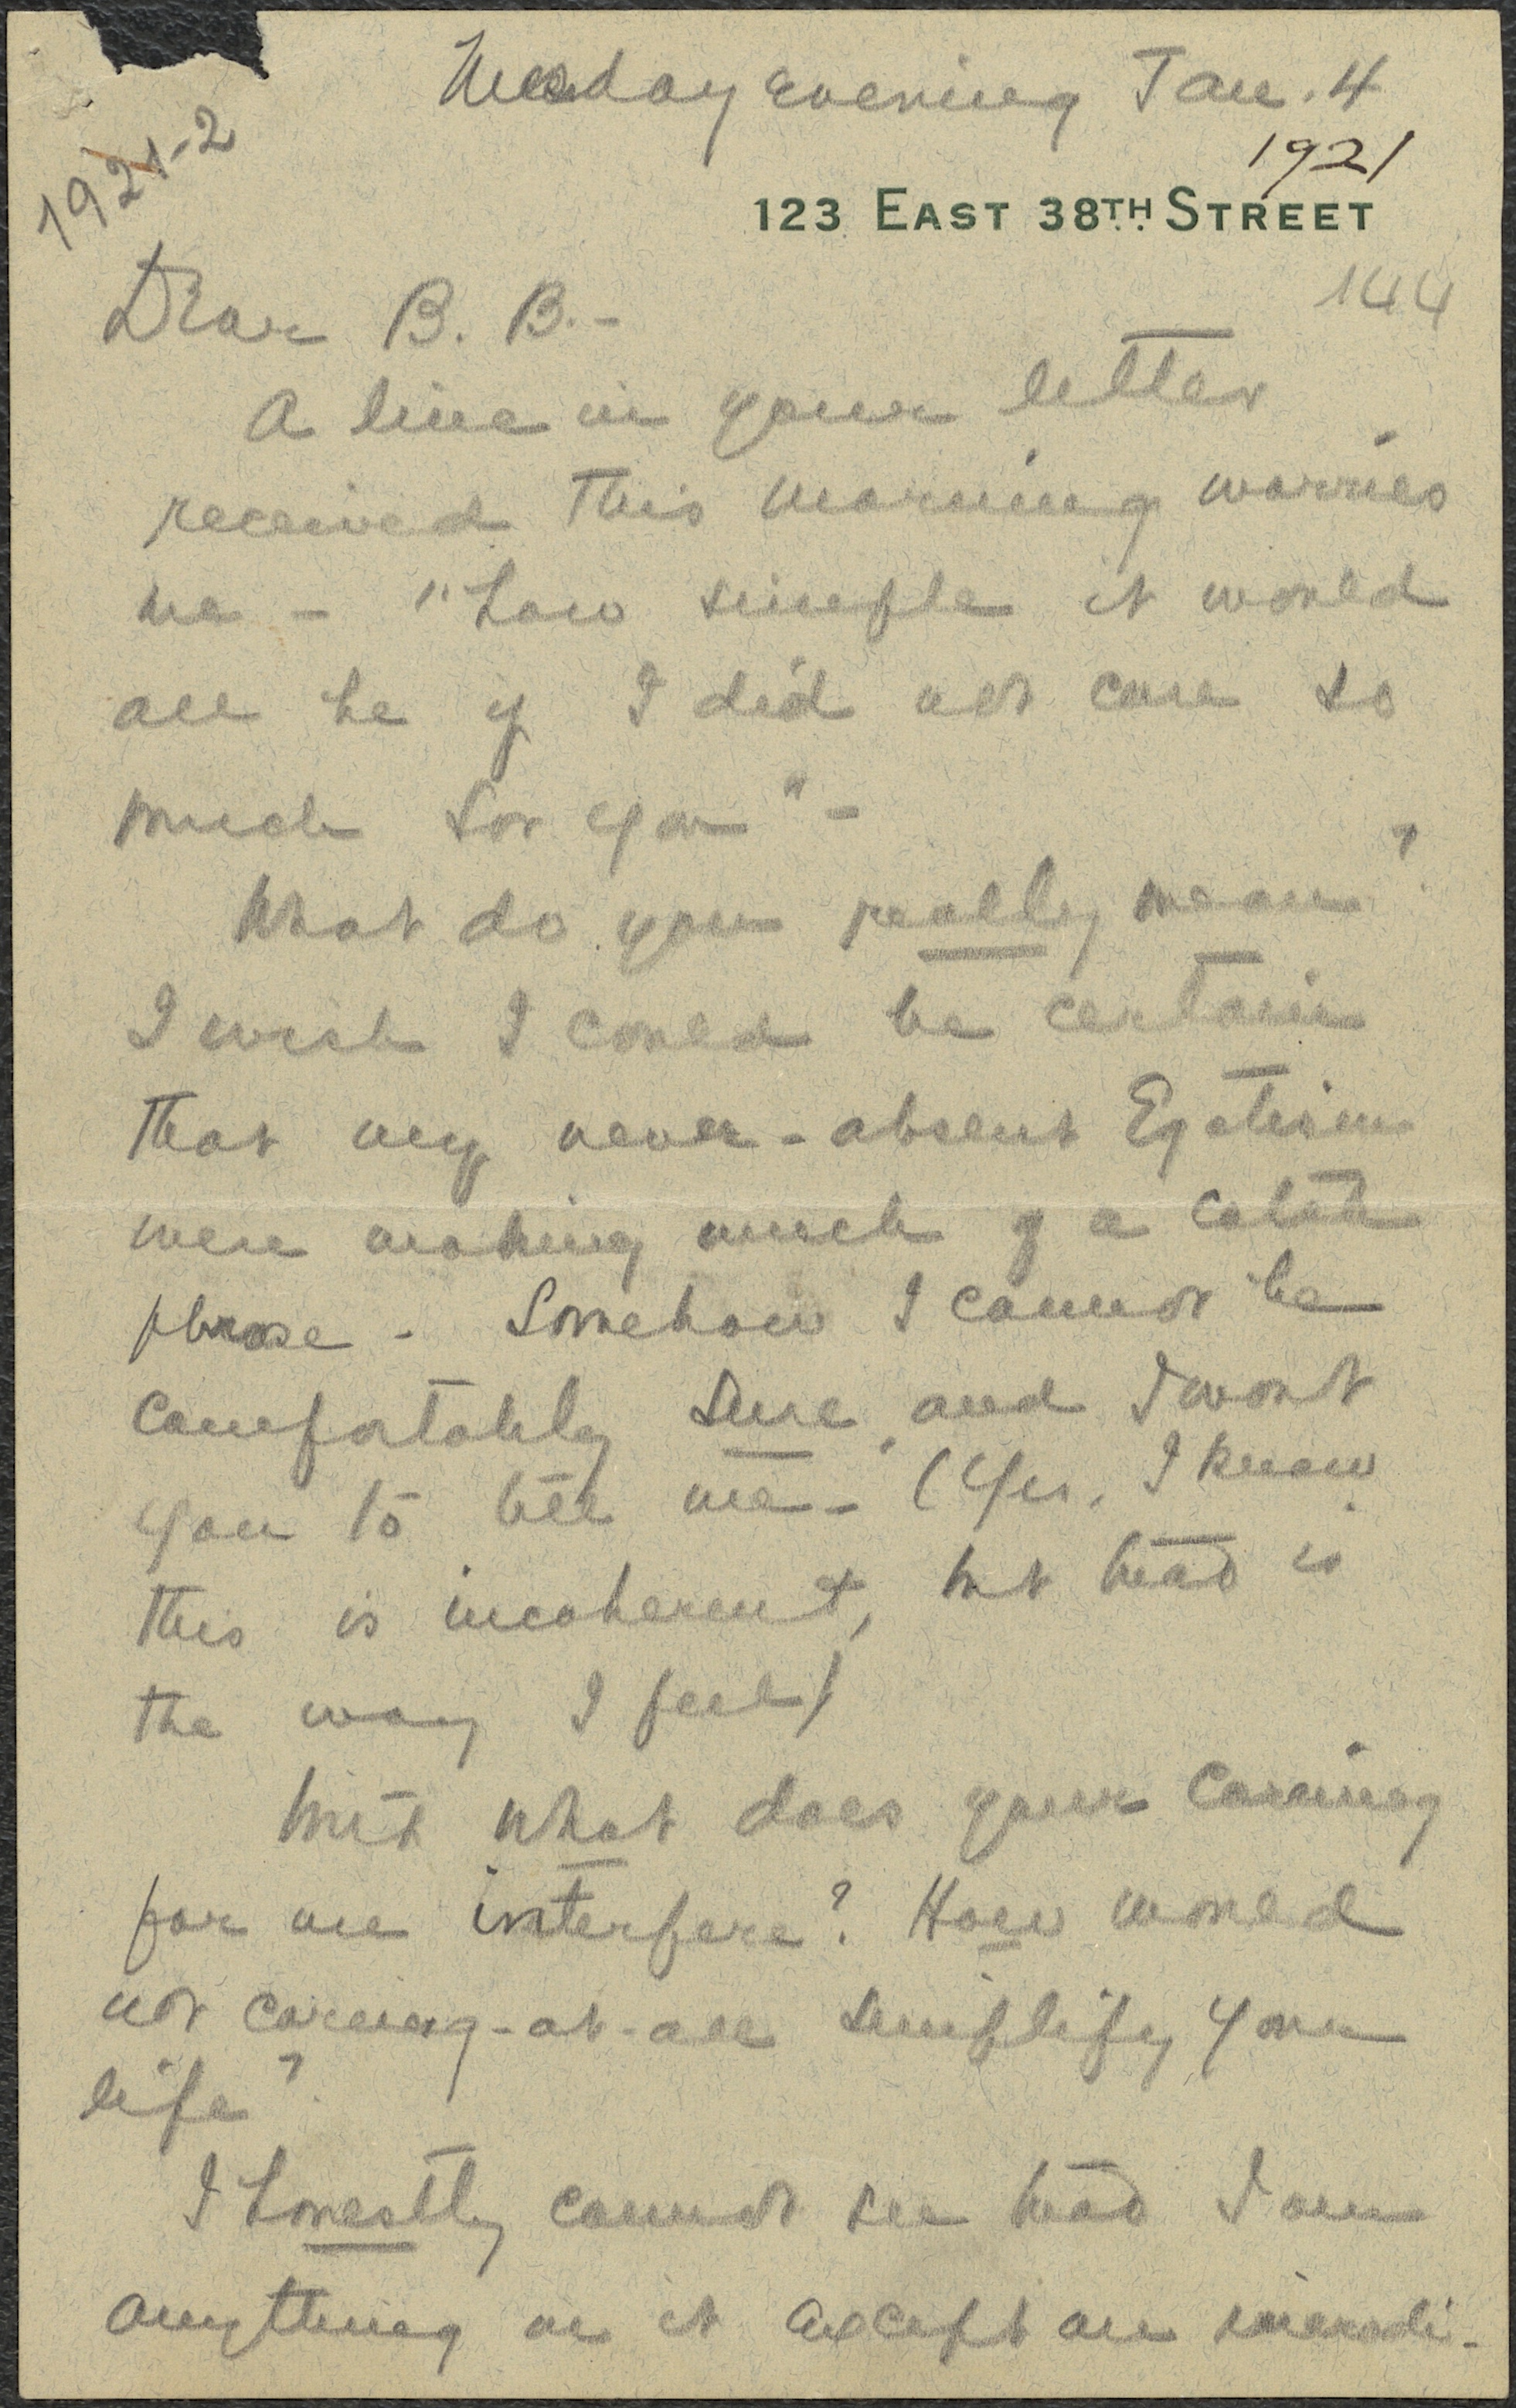Tuesday Evening Jan. 4
Dear B.B. –
A line in your letter received this morning worries me – "how simple it would all be if I did not care so much for you" –
What do you really mean? I wish I could be certain that my never-absent Egotism were making much of a catch phrase – Somehow I cannot be comfortably sure, and I want you to tell me – (Yes, I know this is incoherent, but that is the way I feel)
With what does your caring for me interfere? How would not caring-at-all simplify your life?
I honestly cannot see that I am anything in it except an ineradicable